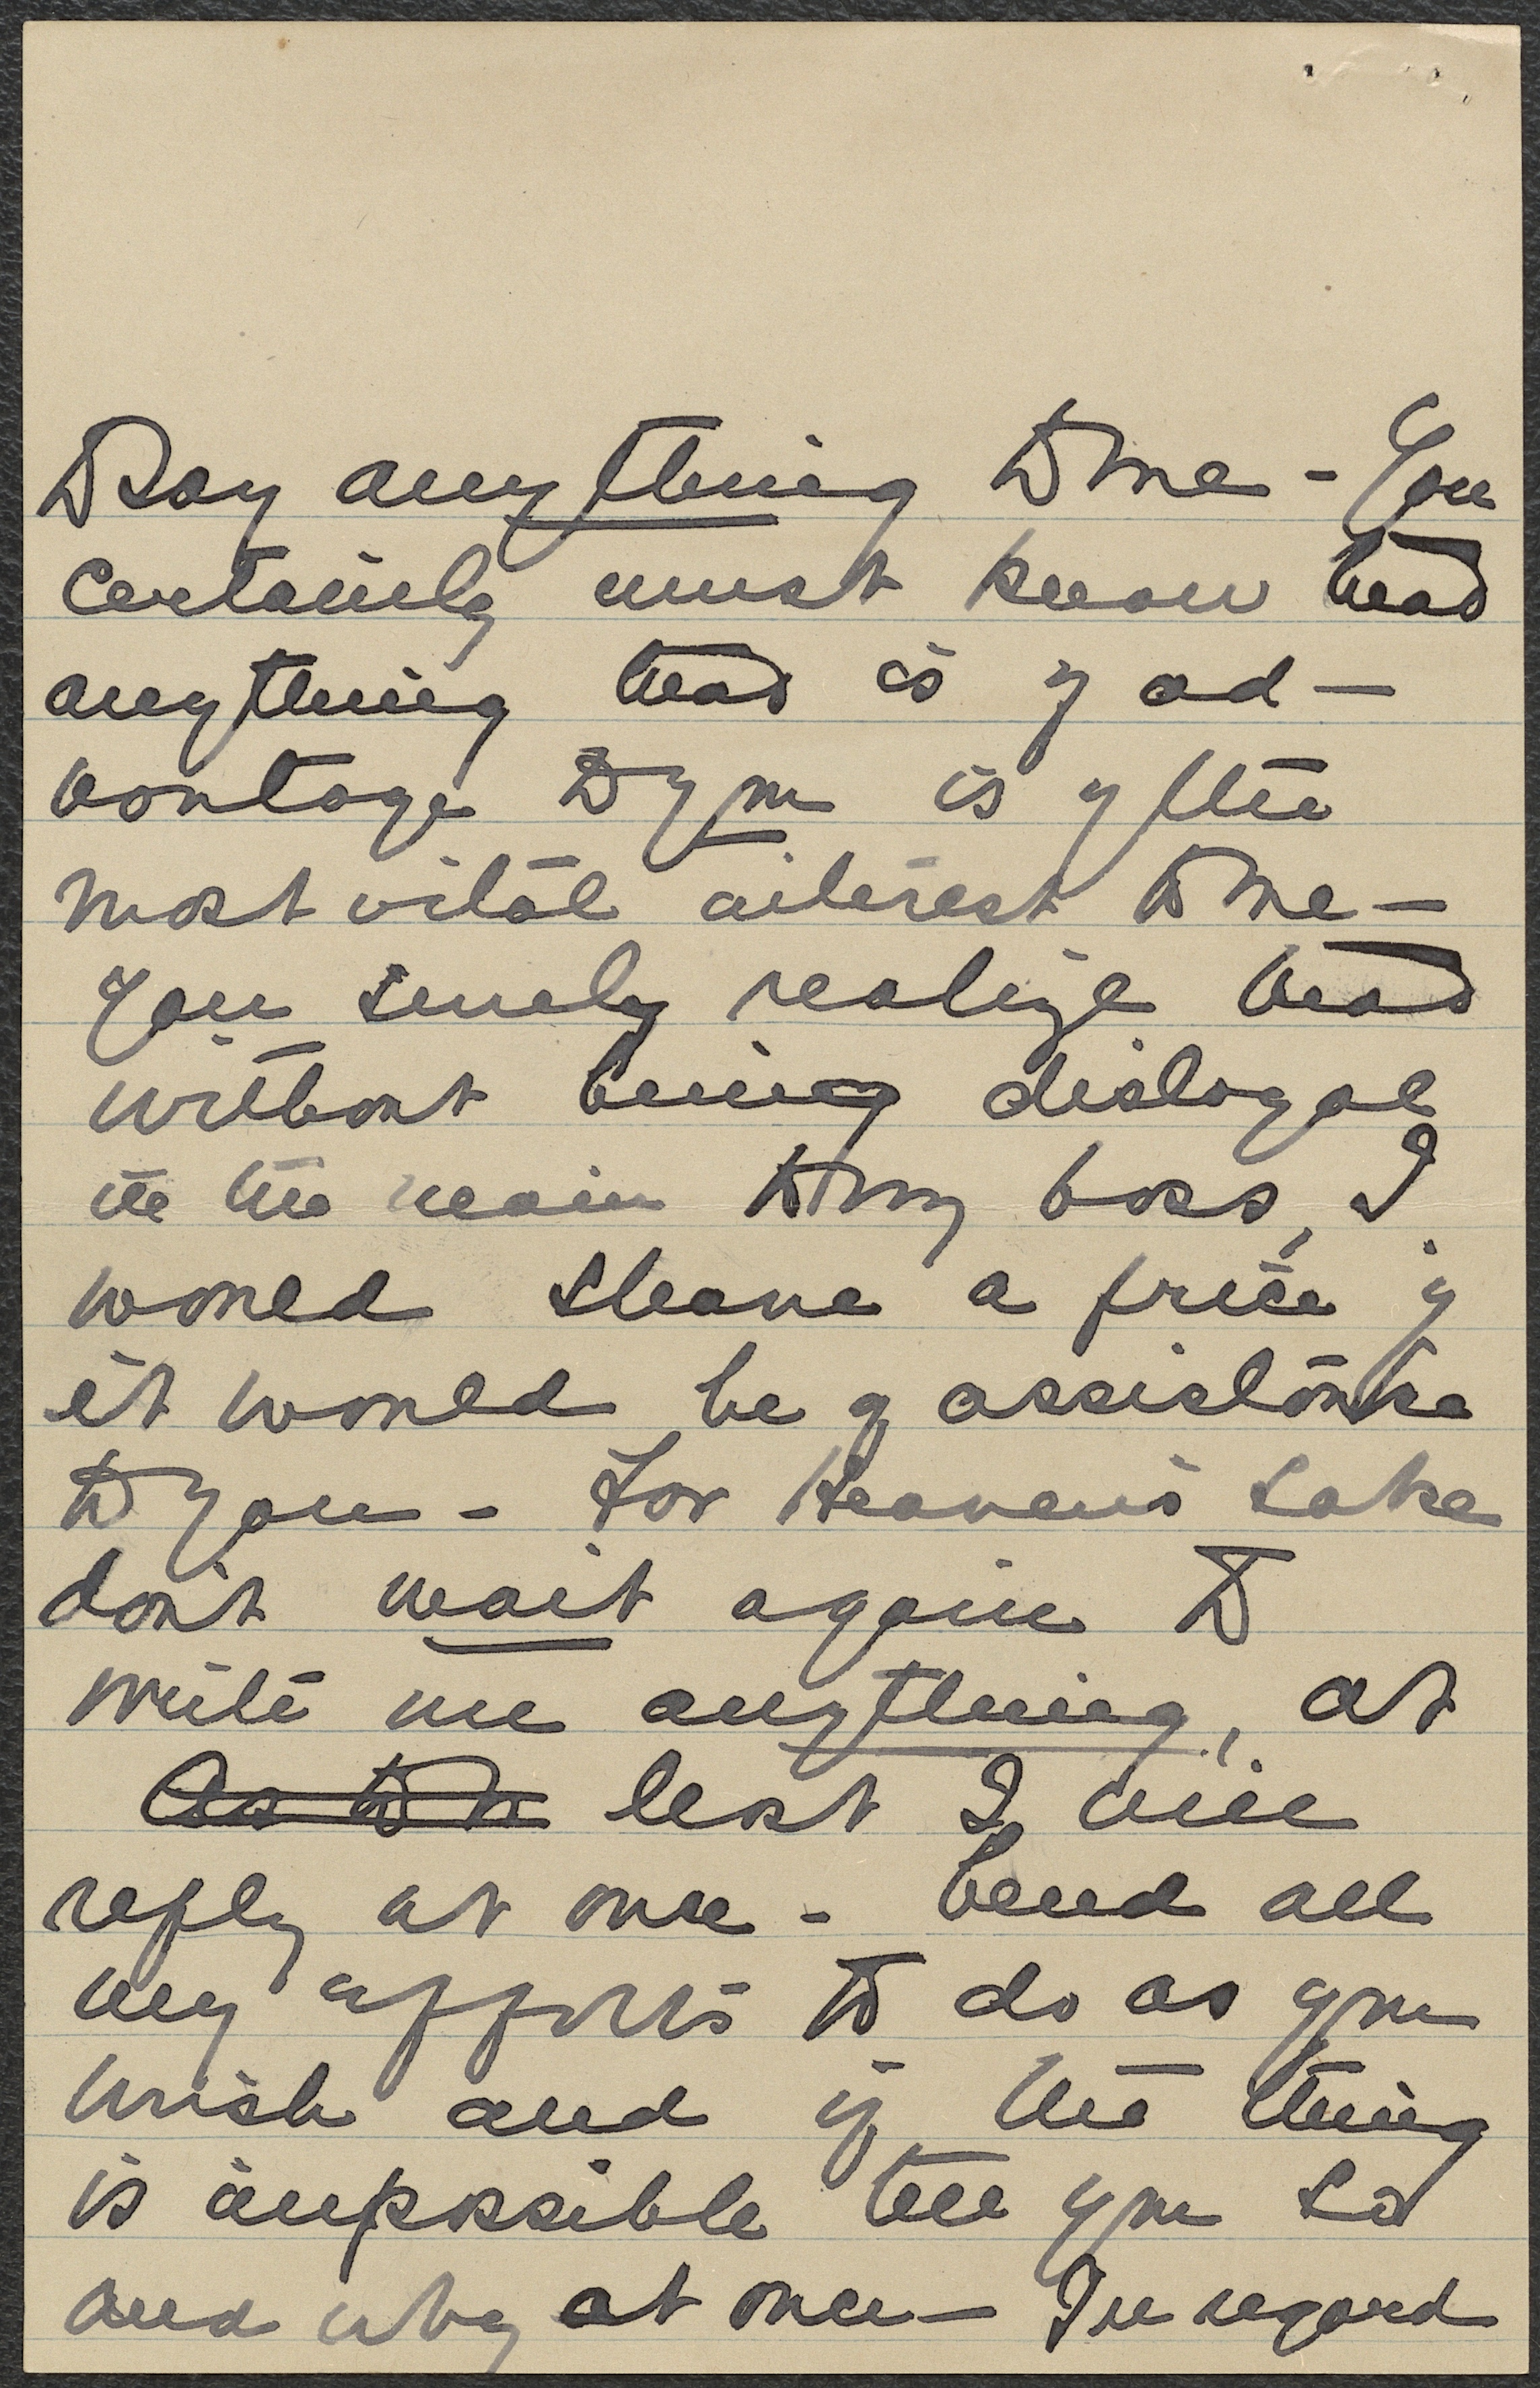to say anything to me – You certainly must know that anything that is of advantage to you is of the most vital interest to me – you surely realize that without being disloyal in the main to my boss, I would shave a price if it would be of assistance to you – For Heaven’s sake don’t wait again to write me for anything, at As to t least I will reply at once – bend all my efforts to do so as you wish and if the thing is impossible tell you so and why at once – In regard